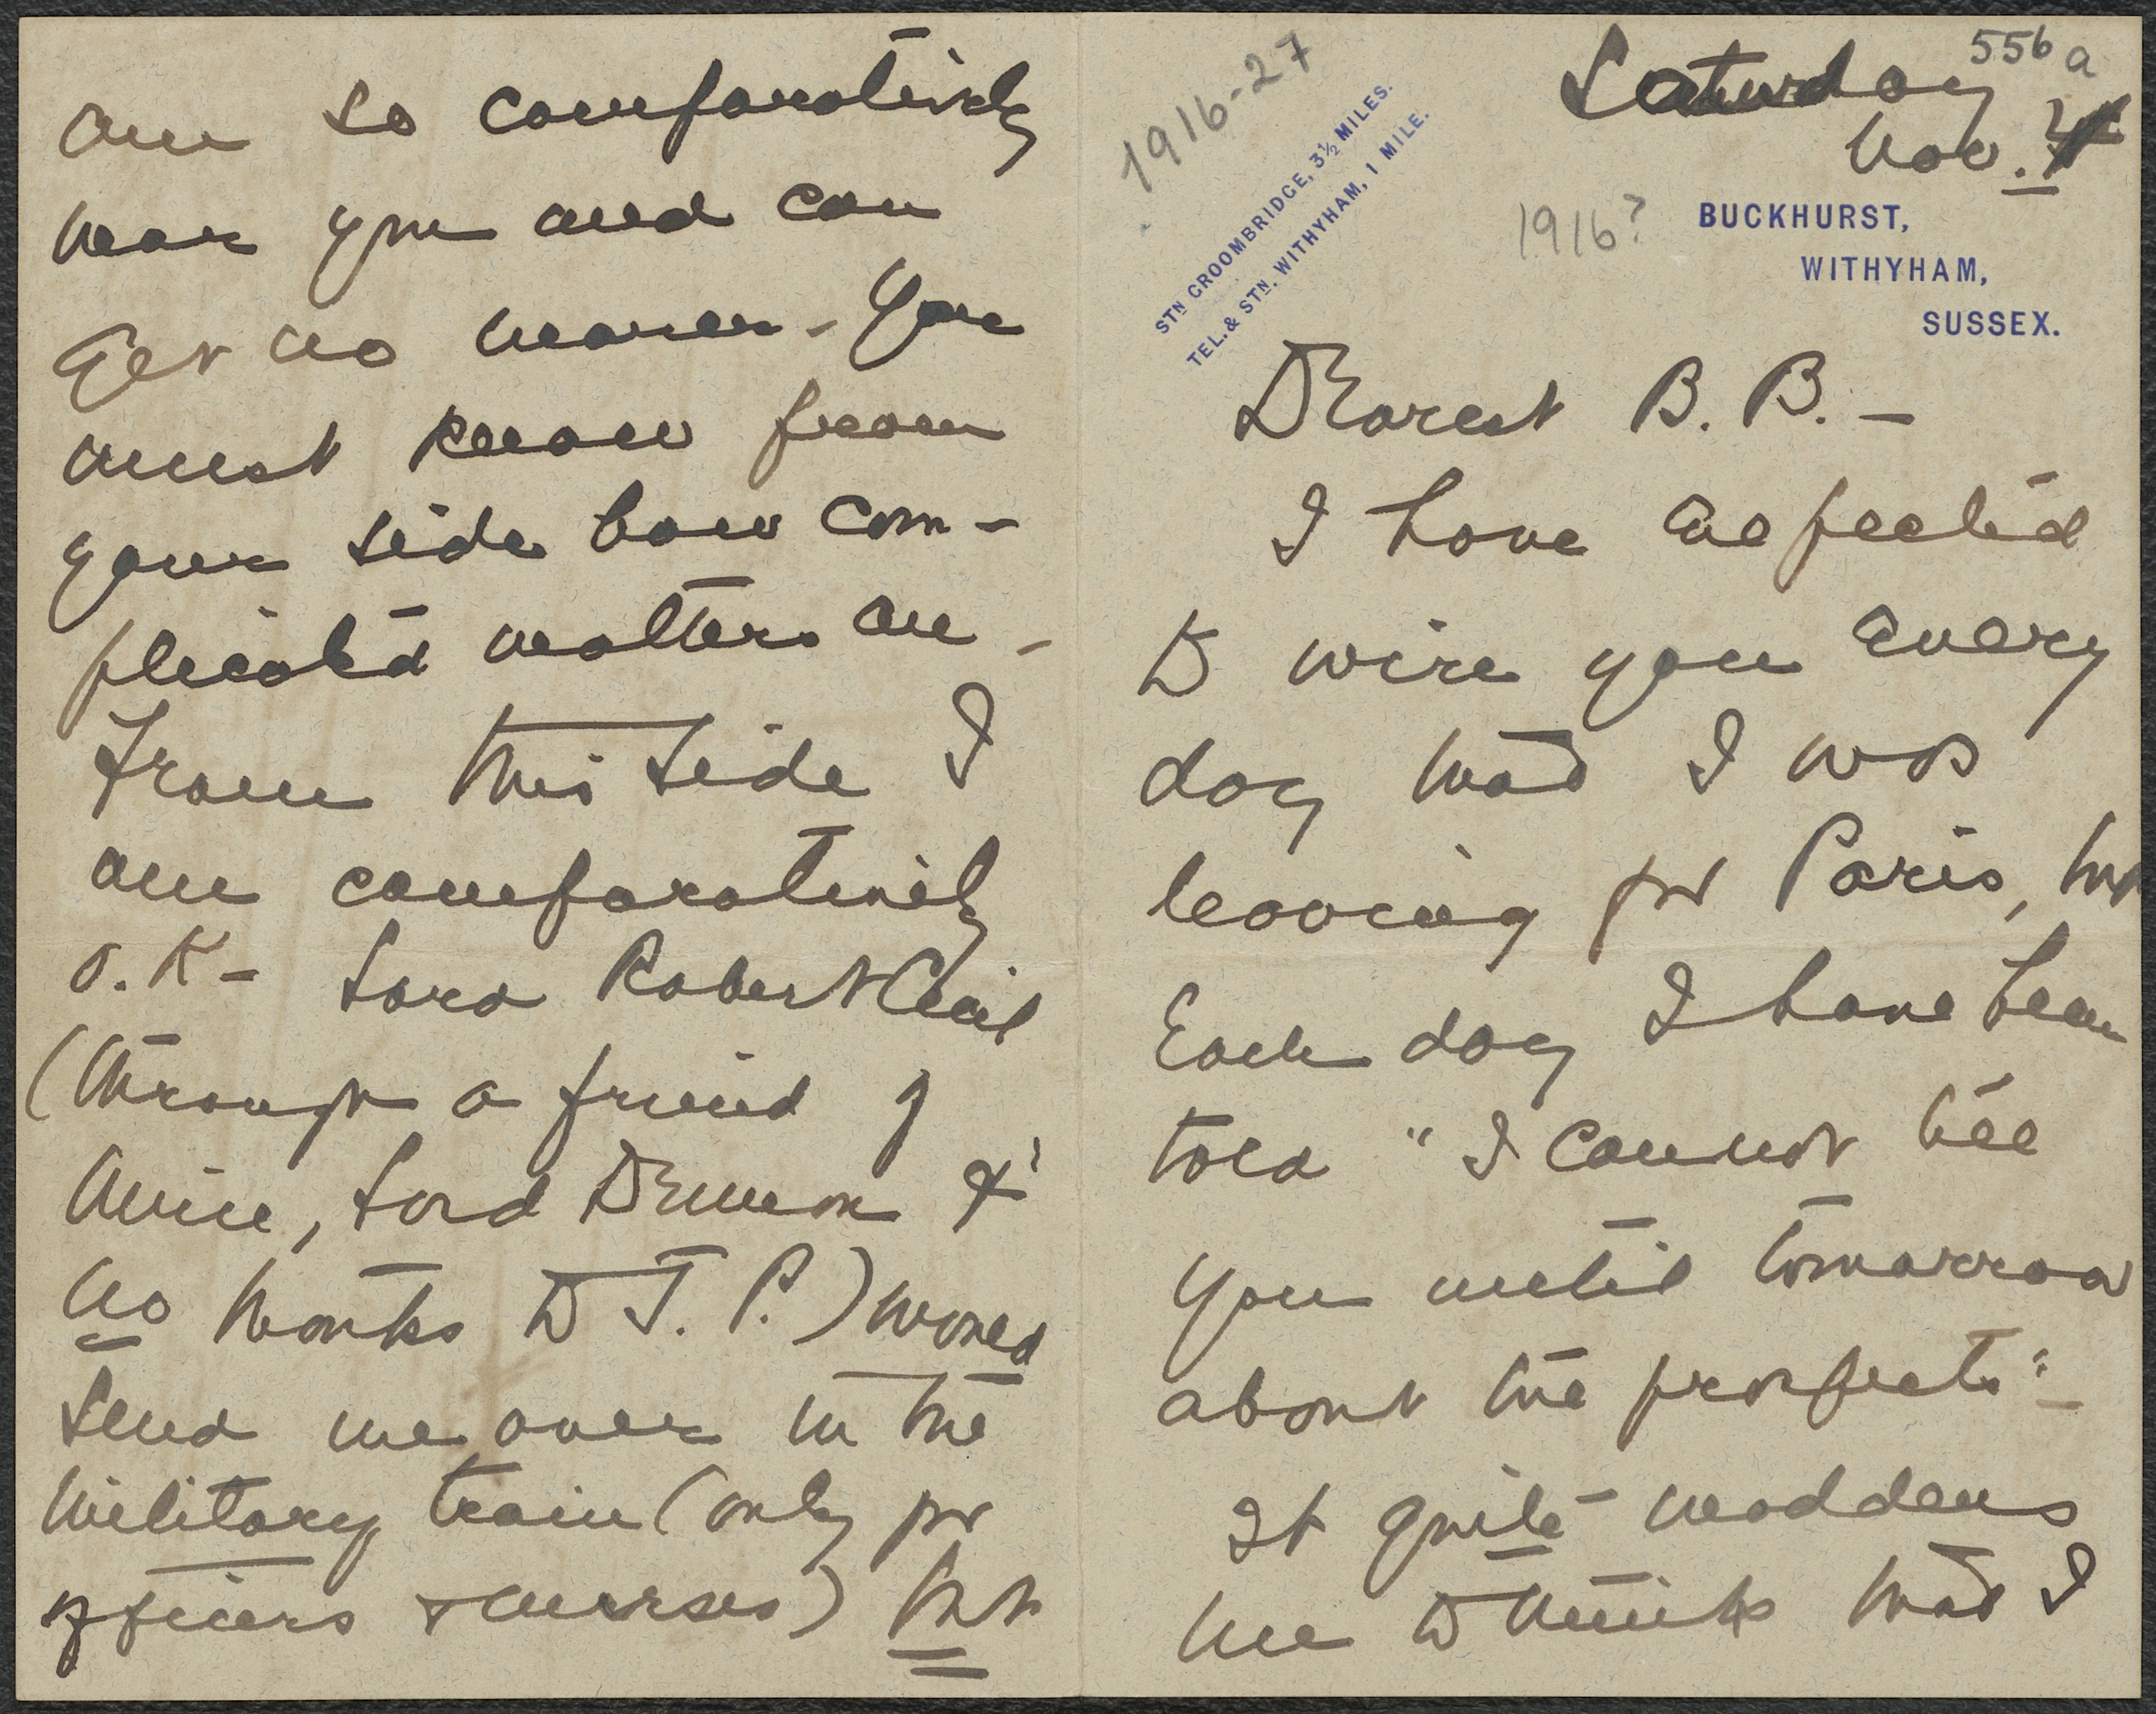Saturday Nov. 4
Dearest B.B. –
I have expected to wire you every day that I was leaving for Paris, but each day I have been told “I cannot tell you until tomorrow about the prospects” –
It quite maddens me to think & that I
am so comparatively near you and can get no nearer. You cannot know from your side how complicated matters are –
From this side I am comparatively O.K – Lord Robert Cecil (through a friend of Alice, Lord Duveen & no thanks to J.P.) would send me over in the military train (only for officers & nurses) [double underlined: but]